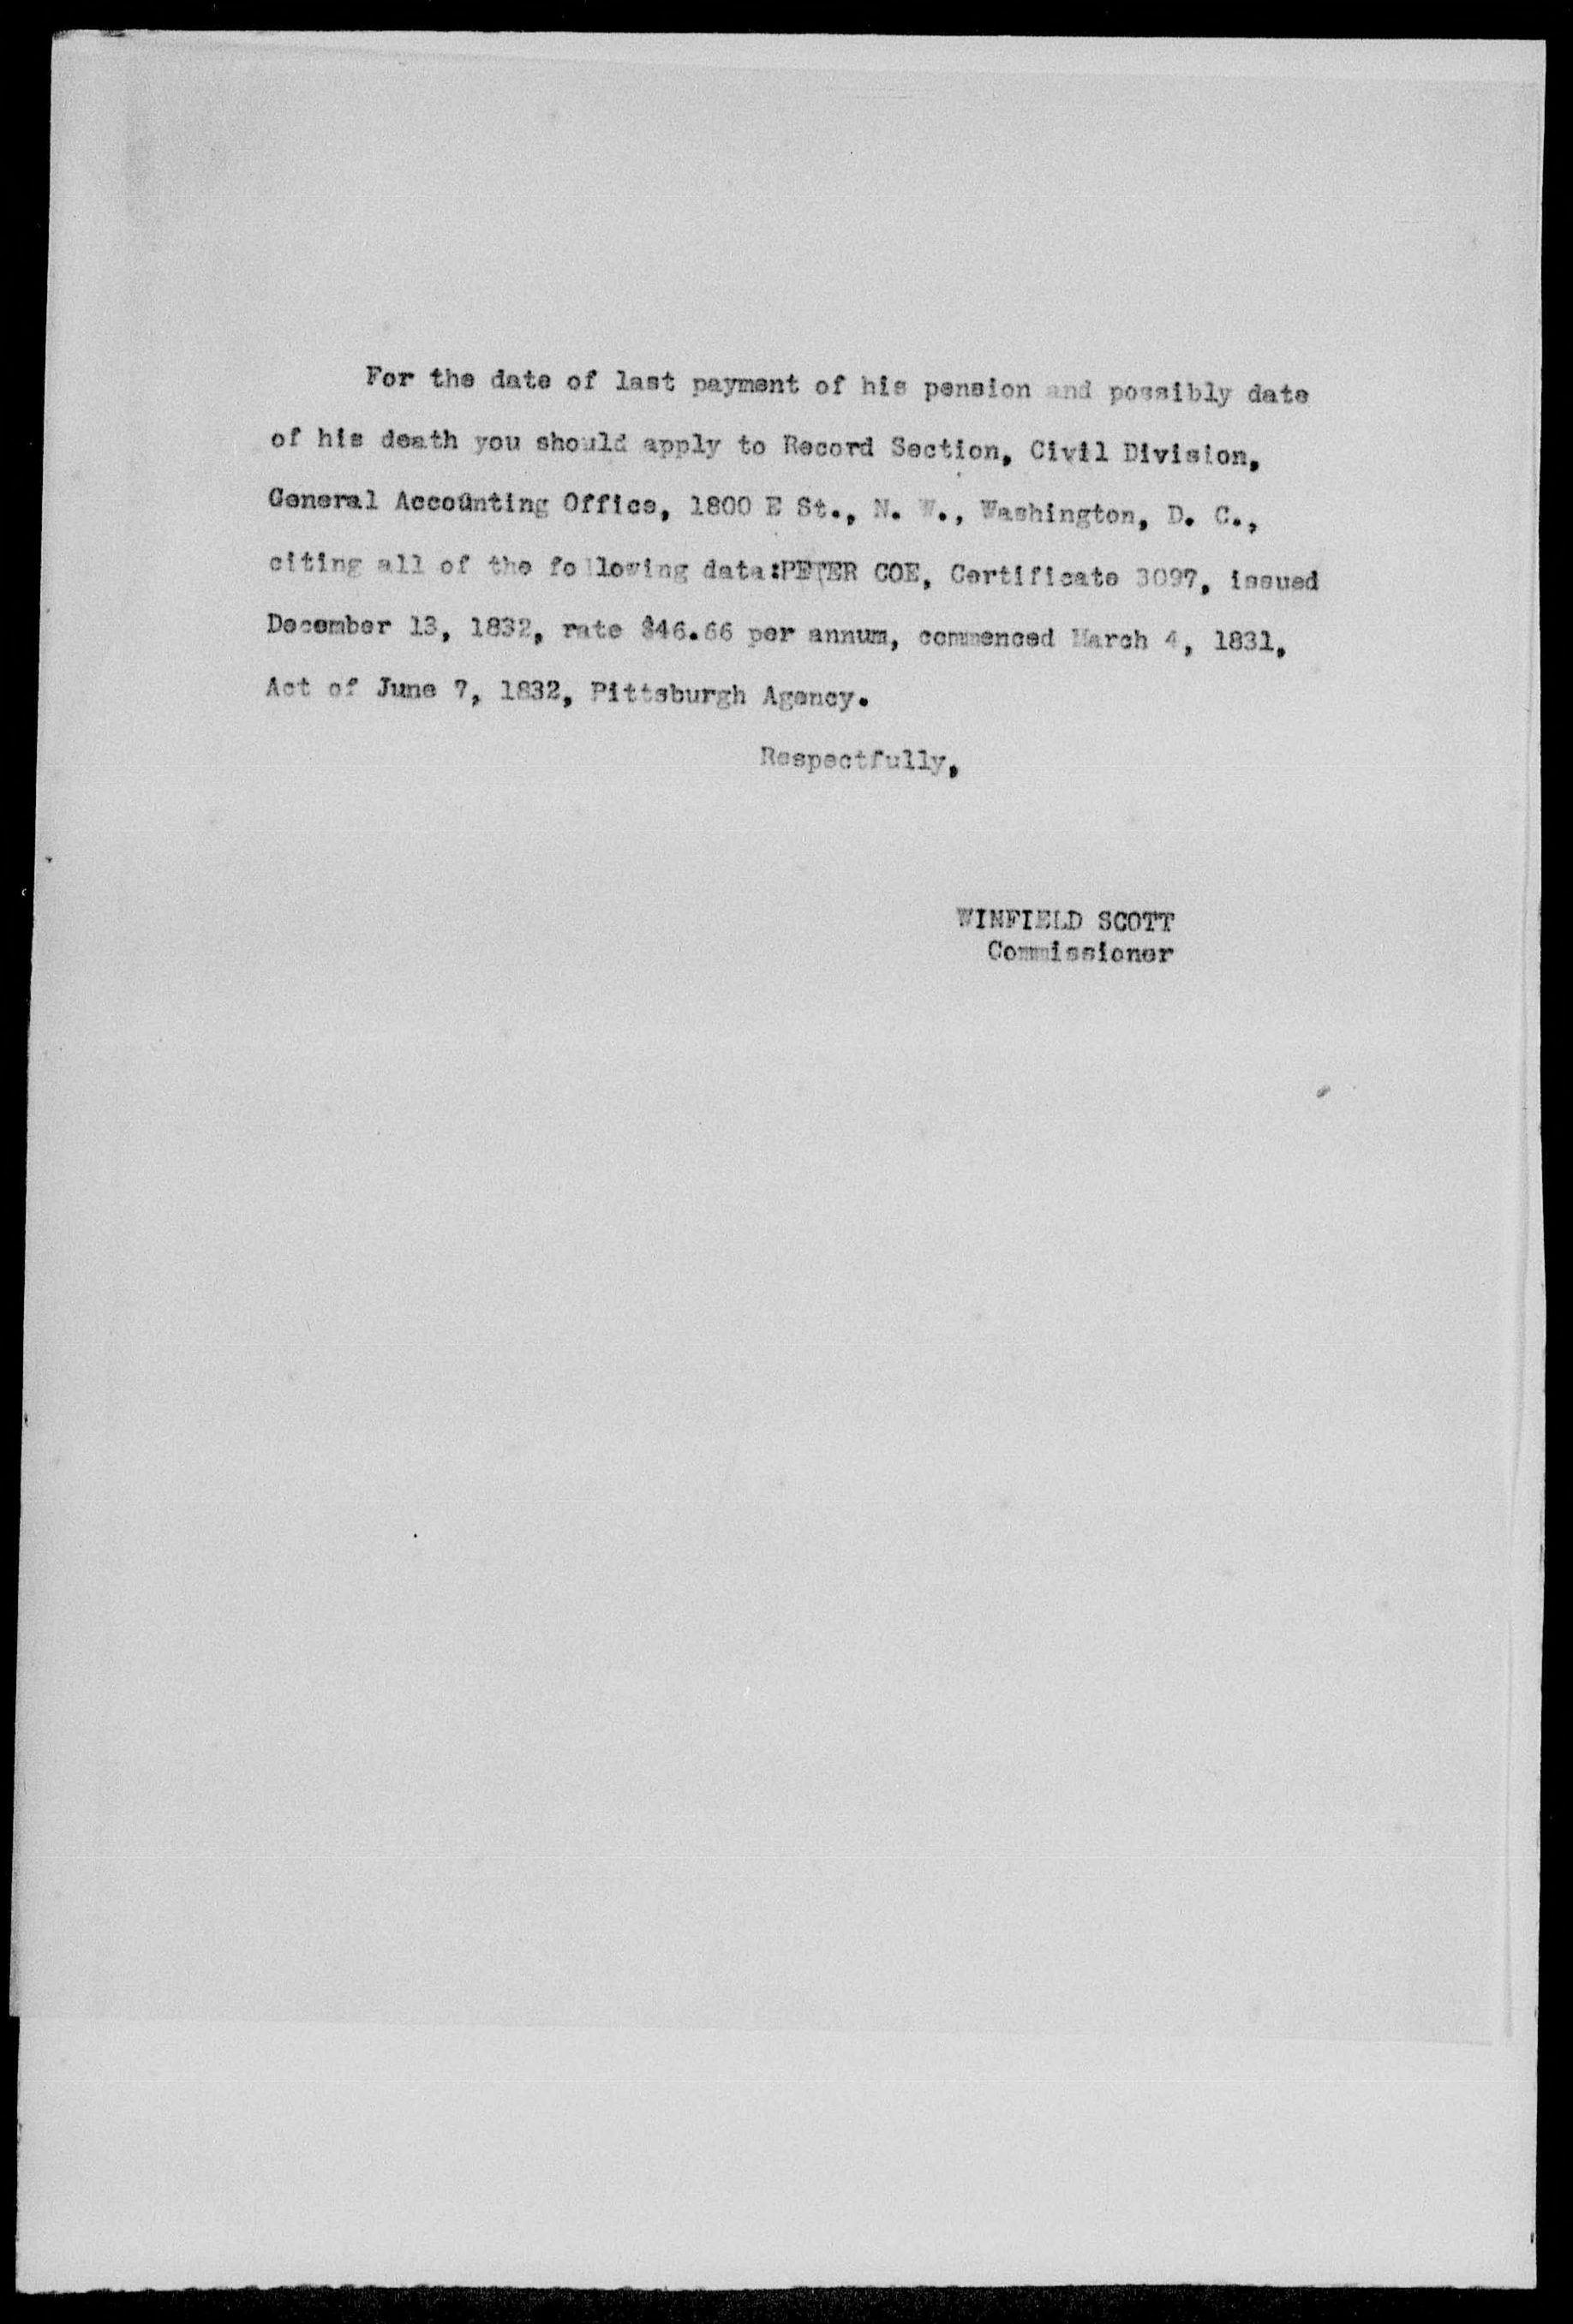For the date of last payment of his pension and possibly date of his death you should apply to Record Section, Civil Division, General Accounting Office, 1800 E St., N. W., Washington, D. C., citing all of the following date: PETER COE, Certificate 3097, issued December 13, 1832, rate $46.66 per annum, commenced March 4, 1831, Act of June 7, 1832, Pittsburgh Agency. 
Respectfully,
WINFIELD SCOTT
Commissioner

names: Winfield Scott, Peter Coe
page: 8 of 23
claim: survivor's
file: S. 3167, Peter Coe, New Jersey Penn.